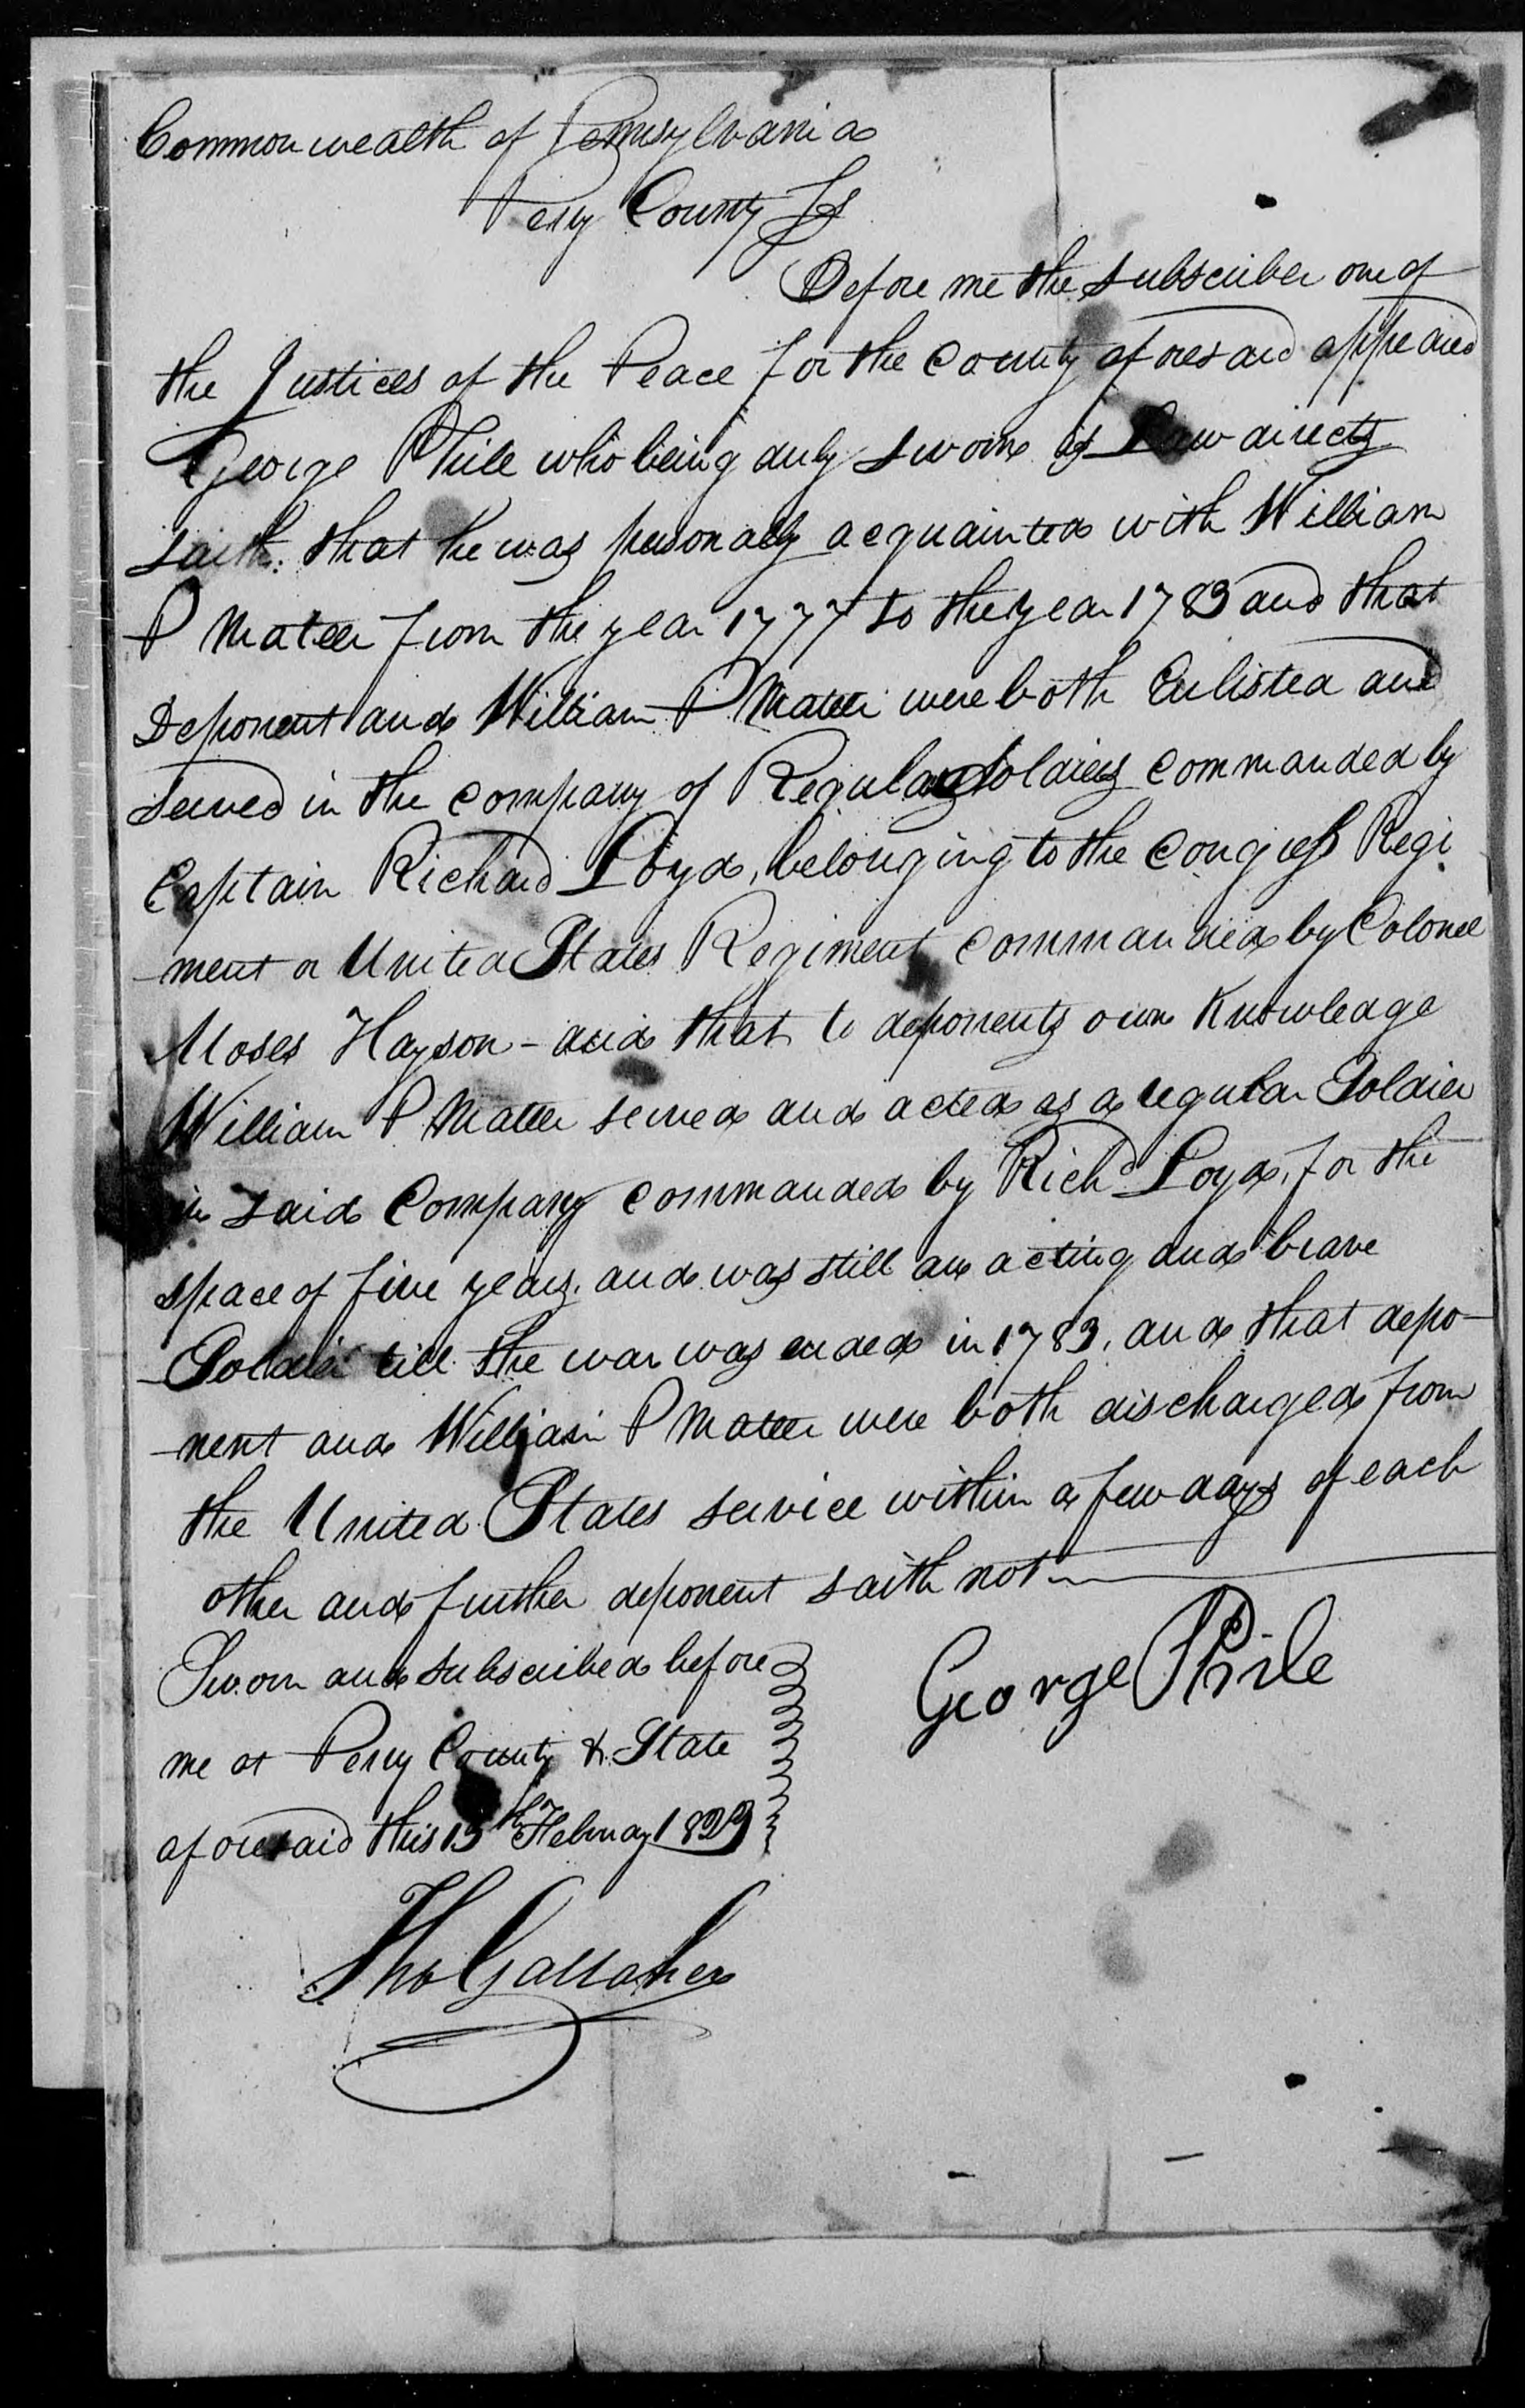Commonwealth of Pennsylvania
Perry County ss

    Before me the subscriber one of the Justices of the Peace for the county aforesaid appeared George Phile who being duly sworn to law directly saith that he was personally acquainted with William P. Mateer from the year 1777 to the year 1783 and that the deponent and that deponent and William P. Mateer were both enlisted and served in the company of Regular Soldiers commanded by Captain Richard Loyd belonging to the Congress Regiment or United States Regiment commanded by Colonel Moses Hayson - and that to deponent's own knowledge William P. Mateer served and acted as a regular soldier in said company commanded by Rich. Loyd for the space of five years and was still an acting and brave soldier till the war was ended in 1783 and that deponent and William P Mateer were both discharged from the United States Service within a few days of each other and further deponent saith not.

                                       //s//
                             George Phile
Sworn and subscribed before
me at Perry County & state 
aforesaid this 15th February 1829.
//s//
Tho. Gallaher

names: Richard Loyd; Tho Gallaher; William P Mateer; Moses Hayson; George Phile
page: 13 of 14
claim: survivor's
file: S. 40242, for William Palmiteer, Pennsylvania